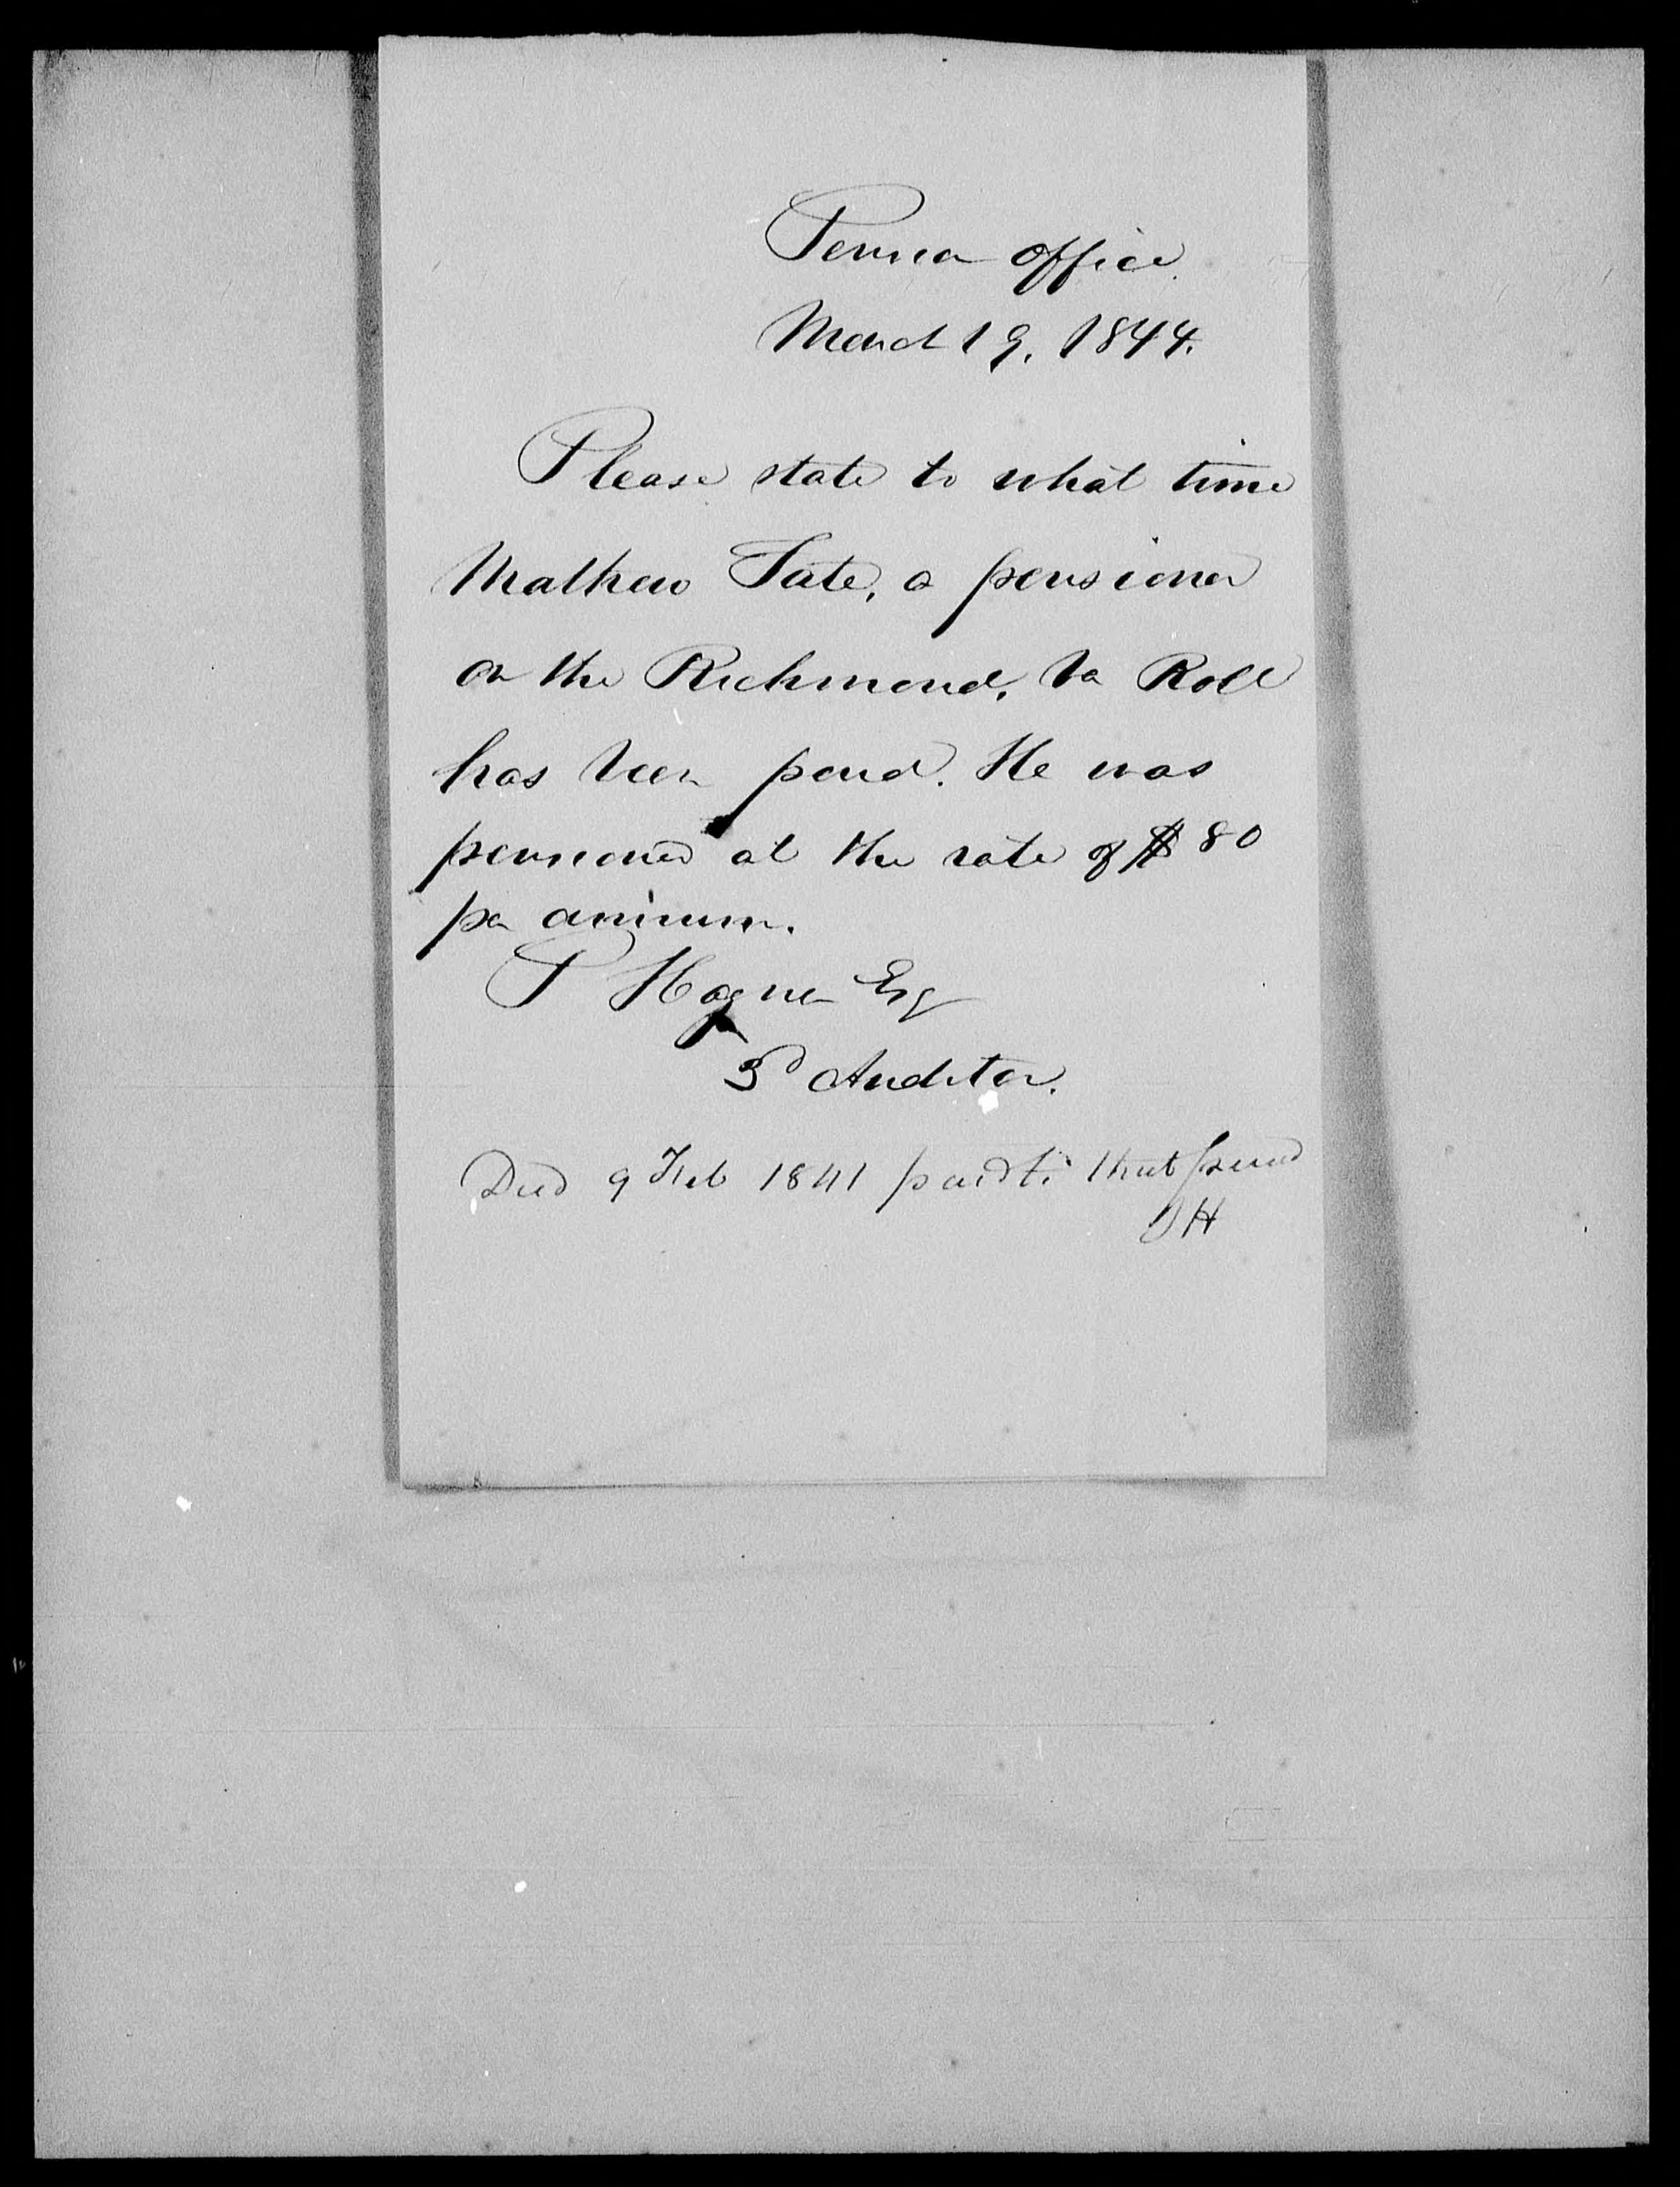Penna Office
March 19,1844
Please state to what time
Matthew Tate a pensioner
on the Richmond, Va Roll
has been paid. He was 
pensioned at the rate of $80
per annum
P. Horne Esq
3d Auditor 
Due  9 Feb 1814 part that paid
OH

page: 13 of 18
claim: survivor's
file: S. 11,508, for Mathew Tate, Virginia